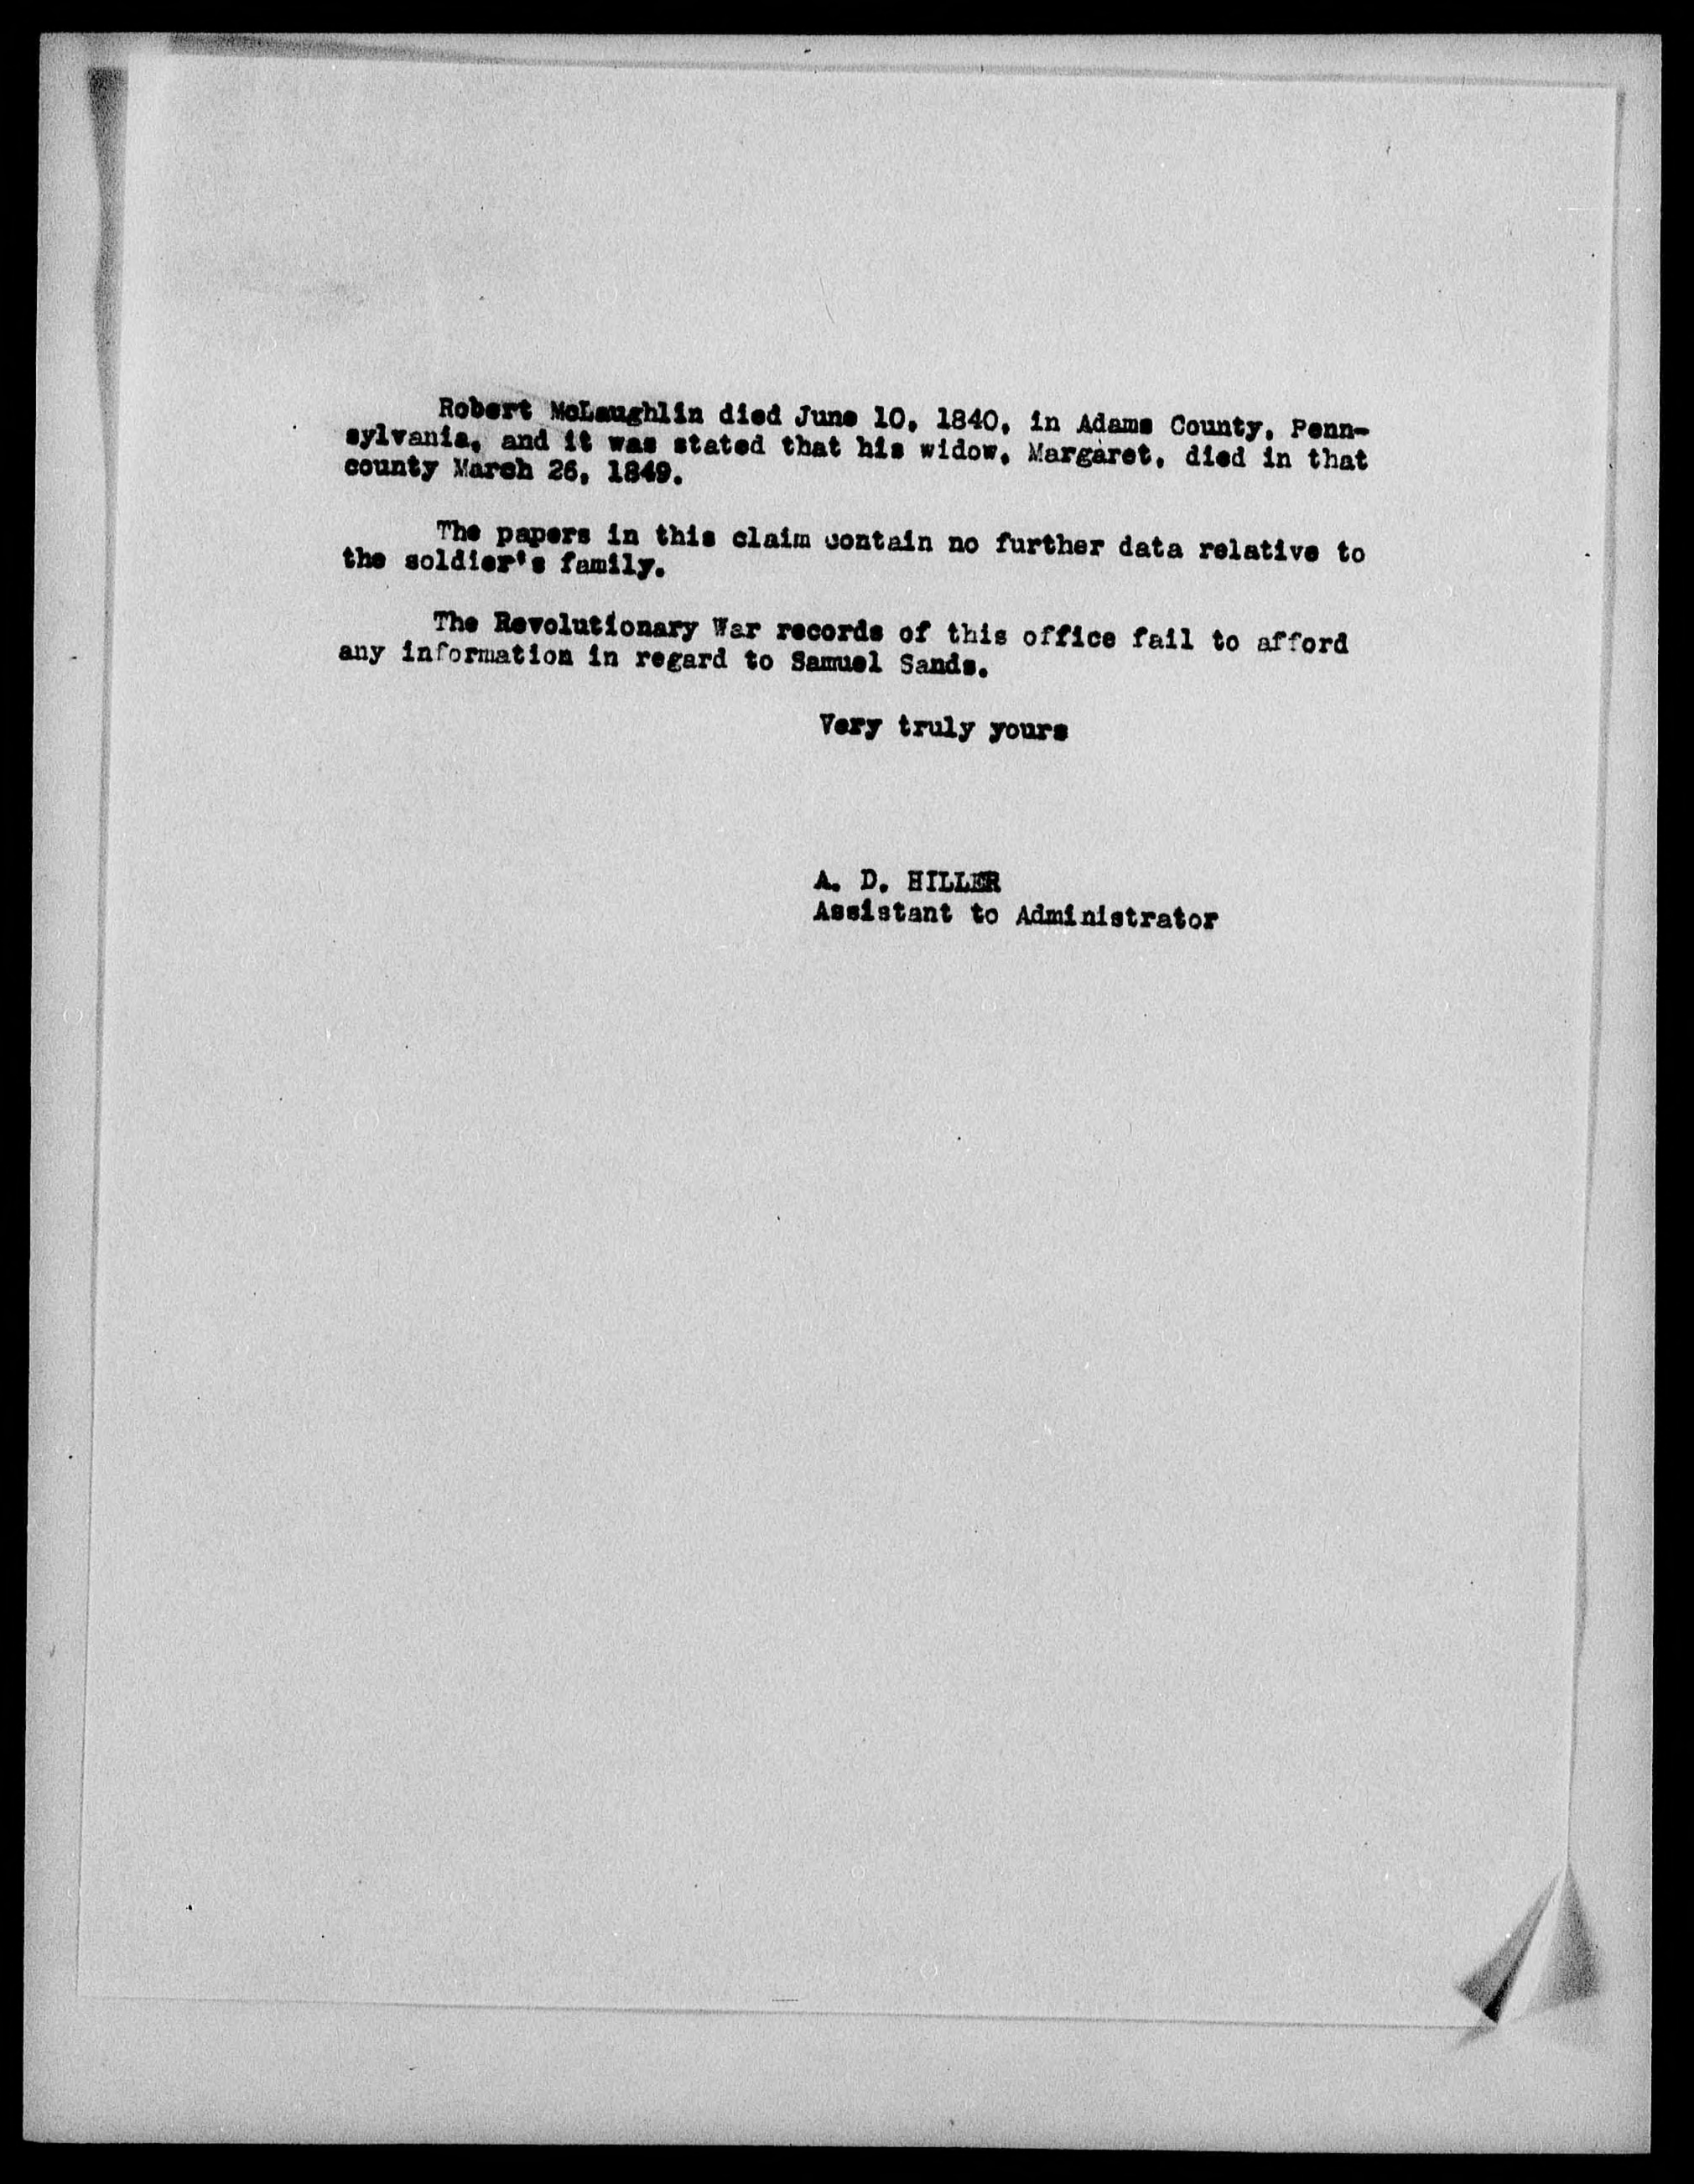Robert McLaughlin died June 10, 1840, in Adams County, Pennsylvania, and it was stated that his widow, Margaret, died in that county March 26, 1849.
The papers in the claim contain no further dat relative to the soldier's family.
The Revolutionary War records of this office fail to afford any information in regard to Samuel Sands.
Very truly yours

A.D. Hiller
Assistant to Administrator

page: 13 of 19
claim: survivor's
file: S. 40,146, for Robert Mc Laughlin, Pennsylvania